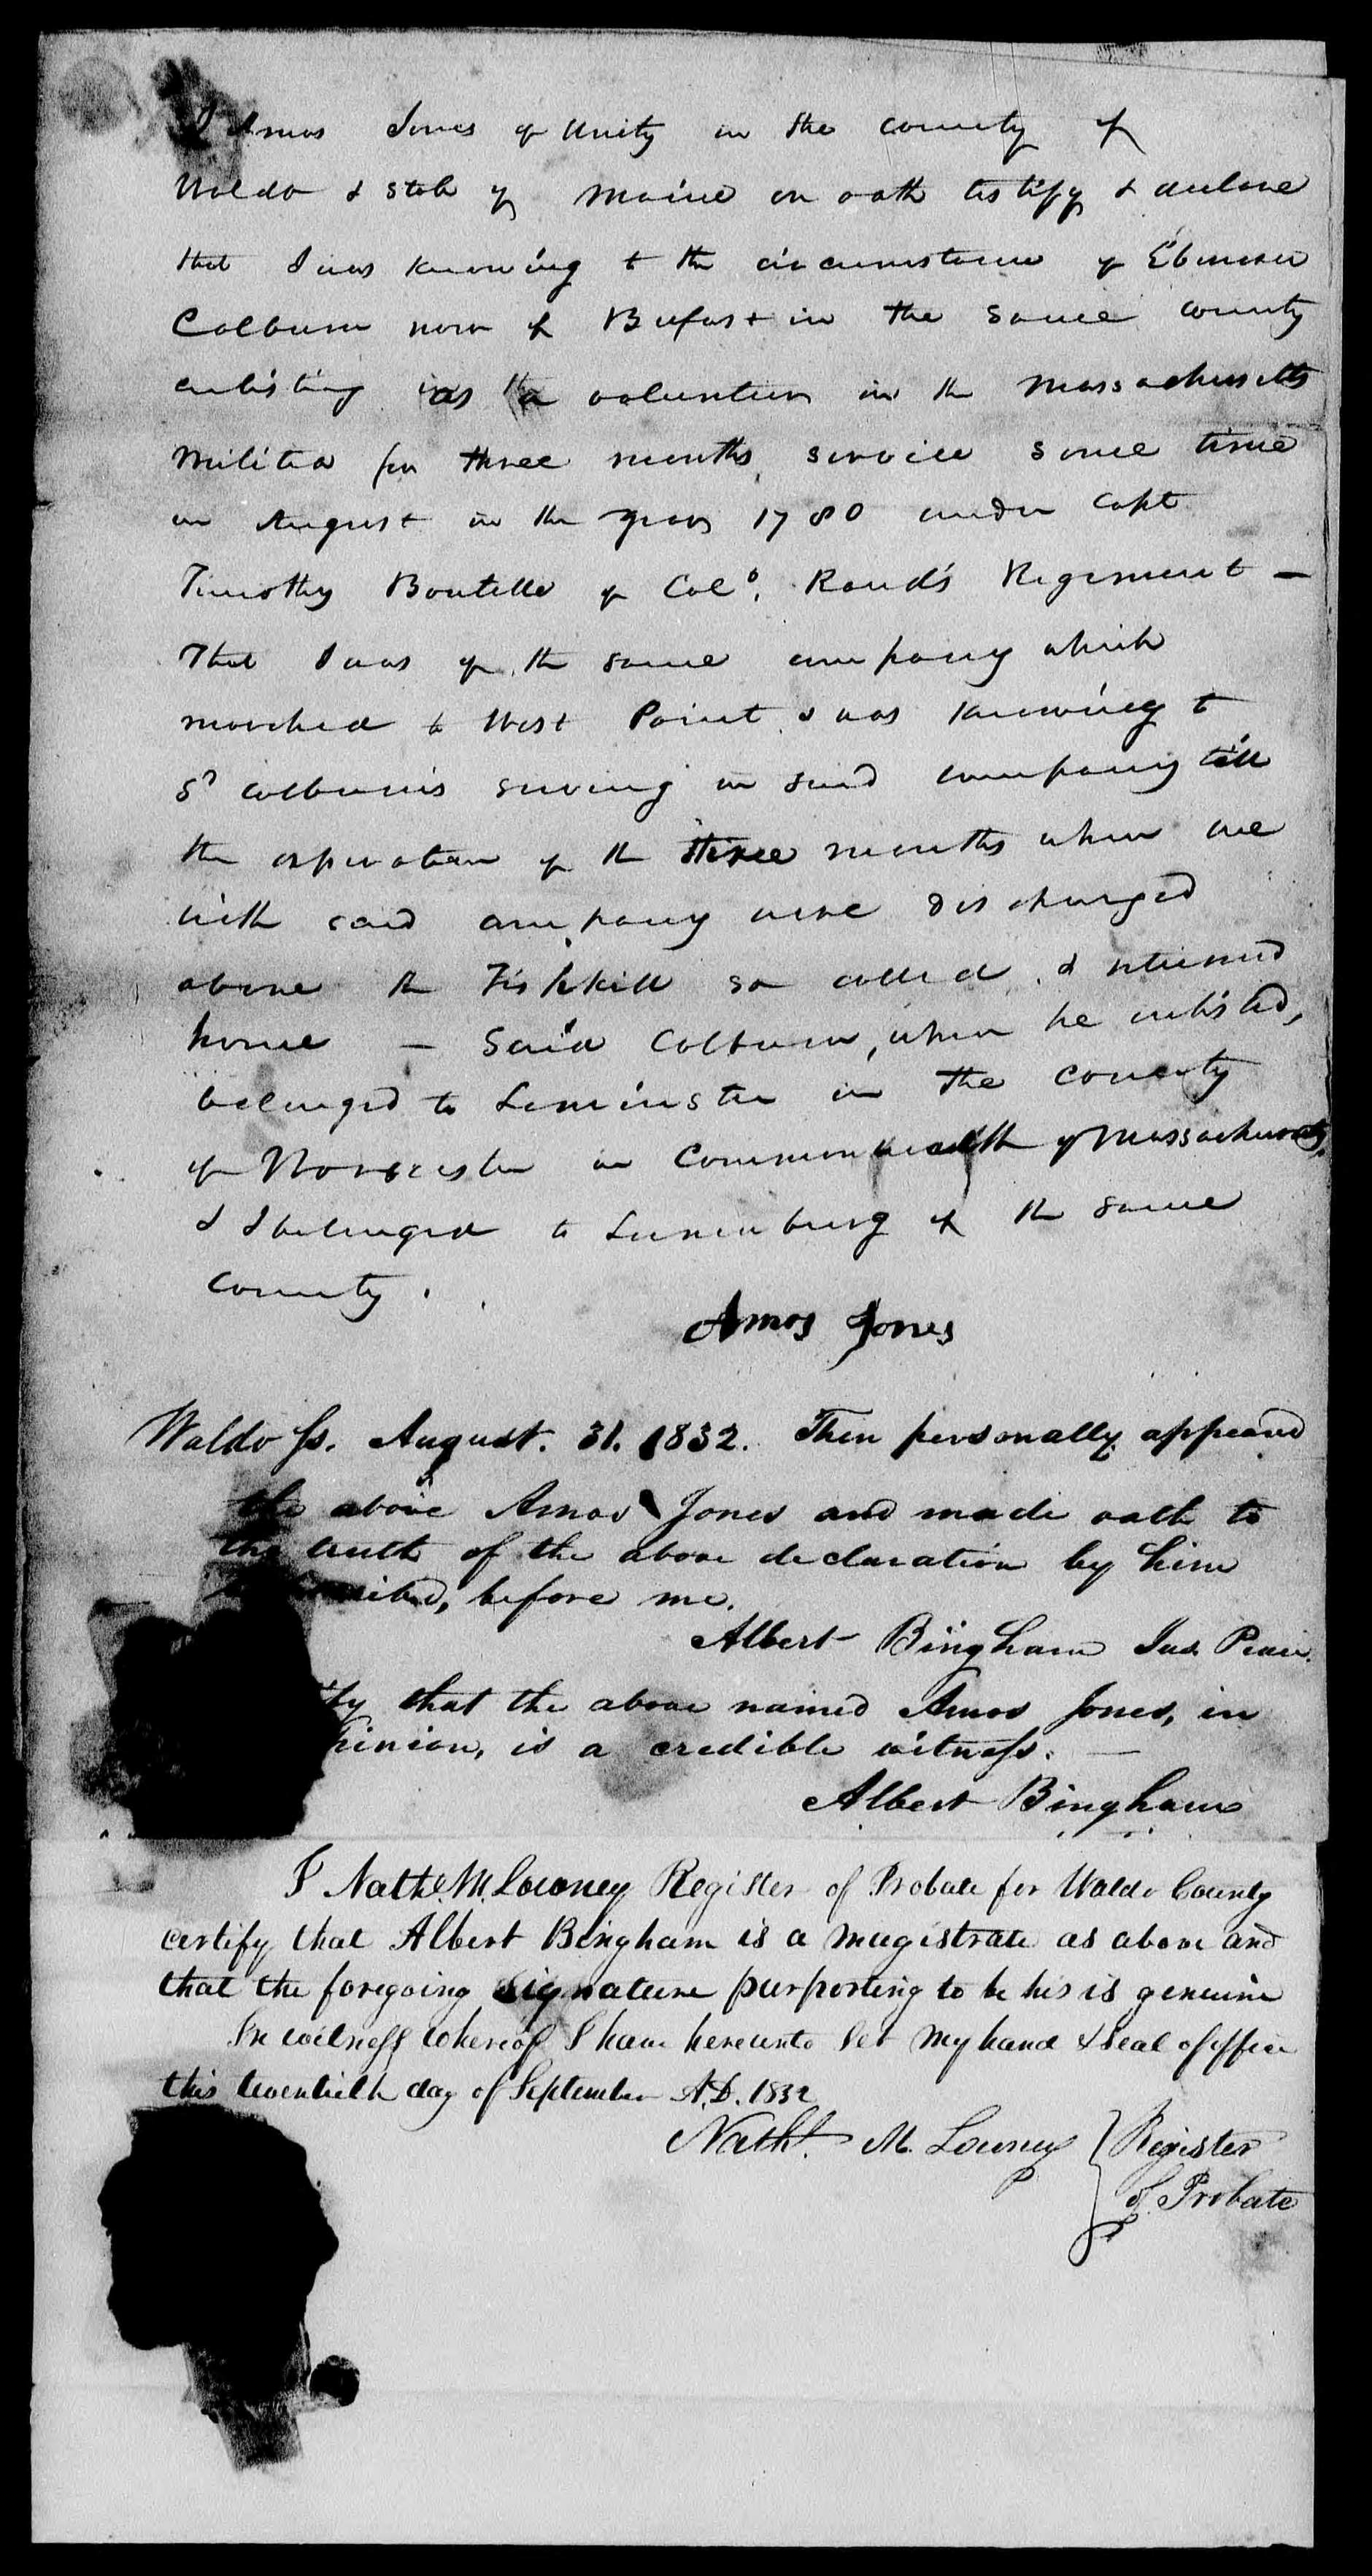IColburn's Amos Jones of Unity in the County
of
Waldo & state of Maine on oath testify & declare
that I was knowing to the circumstance of Ebenerzer
Colburn now of Belast in the same County
enlisting as a volunteer in the Massachusetts
militia for three months service some time
in August in the year 1780 under Capt
Timothy Bontelle of Col Rand's Regiment
that I was of the same company which
marched to West Point was knowing to
of  Colburn's serving in said company till
the expiration of three months when we
with said
company were discharged
above Fishkill so [illegible] & returned
home - said Colburn when
he enlisted
belonged to Leominster in
the County
of Worcester in commonwealth of Massachusetts & I 
belonged to Lunenburg in the same
County
Signature of Amos Jones

Waldo ss. August 31. 1832. Then personally appeared
above Amos Jones and made oath to
the truth of the above declaration by him
scribed before me
Albert Bingham Jus. Peace
Certify that the above named Amos Jones, in
[illegible], is a credible witness.
Albert Bingham

I Nathal M Lowney Register of Probate for Waldo County
certify that Albert Bingham is a magistrate as above and
that the foregoing signature purporting to be his is genuine

In witness whereof I have hereunto set my hand & seal of office
this twentieth day of September A.D. 1832
Nathl M. Lowney
Register
of Probate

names: Amos Jones, Colburn, Albert Bingham, Nathal M Lowney, Timothy Bontelle, Albert Bingham, Nathl M Lowney, Amos Jones, Amos Jones, Colburn, Ebenezer Colburn, Amos Jones, Albert Bingham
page: 4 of 10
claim: survivor's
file: S. 29083, Ebenezer Colburn, Mass.